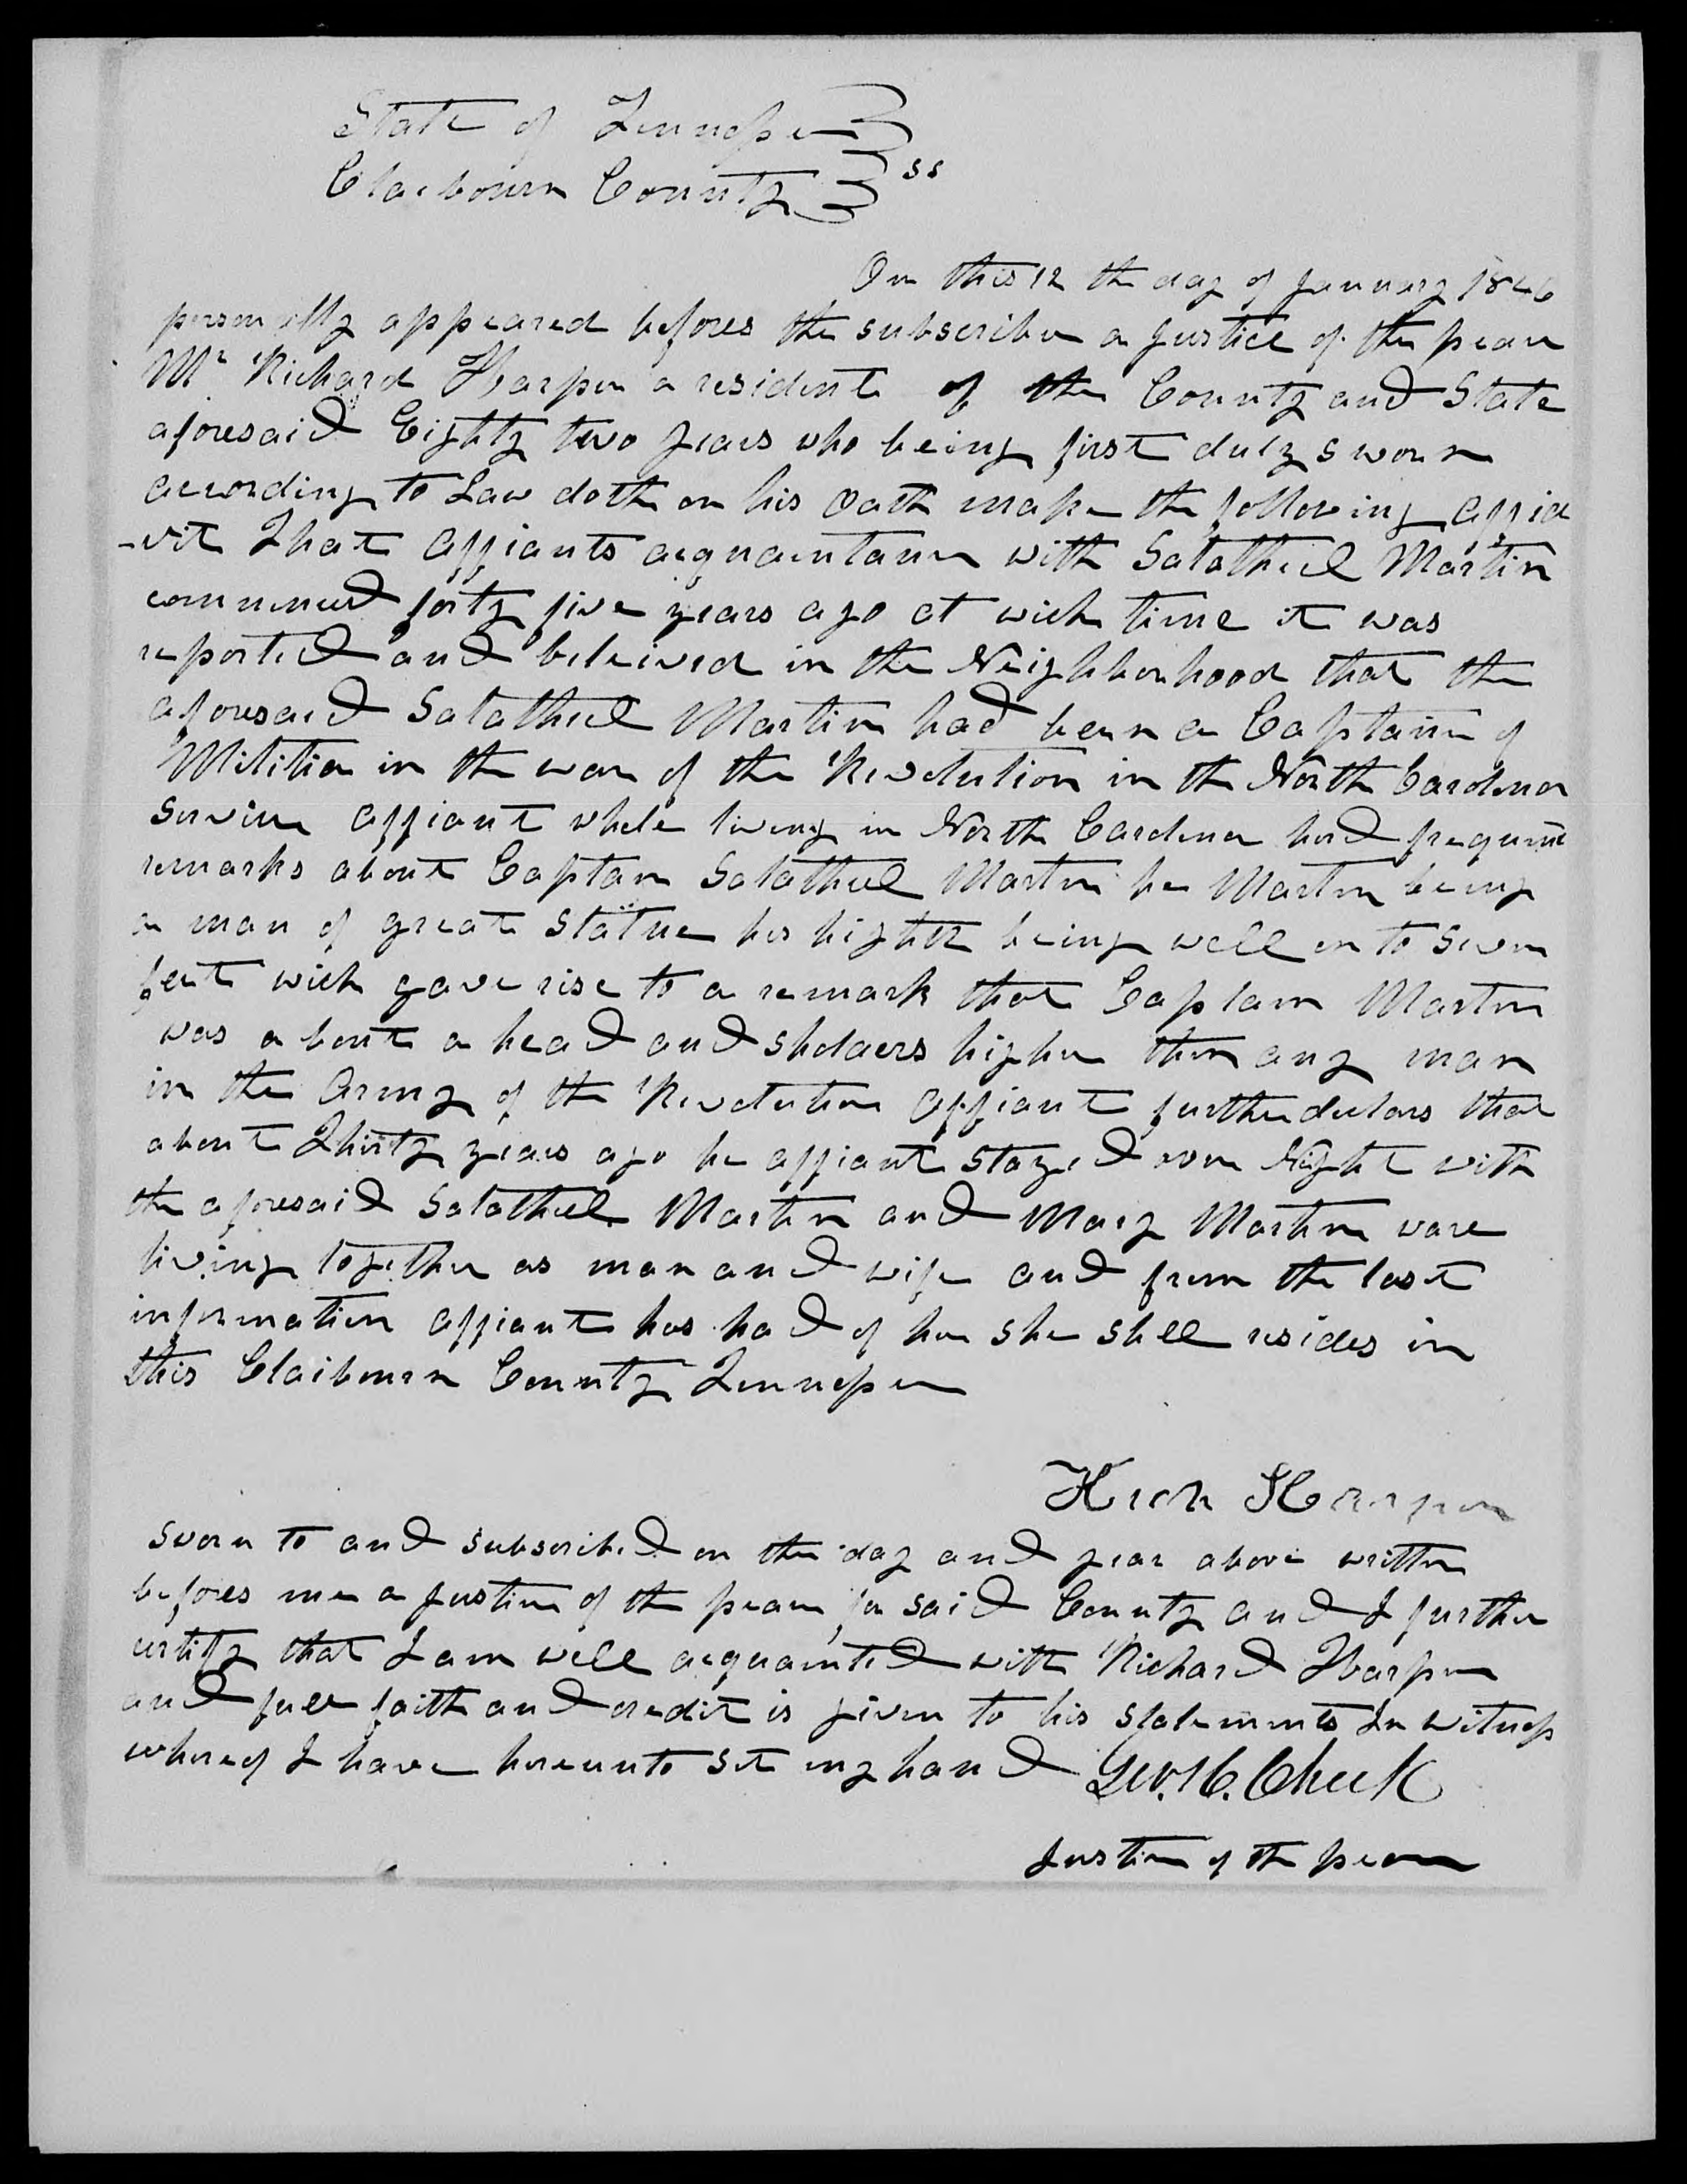State of Tennessee )
Claiborne County   )ss
On this 12th day of January 1846
personally appeared before the subscriber a Justice of the peace
Mr Richard Harper a resident of the County and State
aforesaid Eighty two years who being first duly sworn
according to Law doth on his oath make the following affid
-avit That affiants acquaintance with Salathiel Martin
commenced forty five years ago at wich [which] time it was
reported and believed in the Neighborhood that the
aforesaid Salathiel Martin had been a Captain of
Militia in the war of the Revolution in the North Carolina
Service affiant while living in North Carolina and frequent
remarks about Captain Salathiel Martin he Martin being
a man of great statue [stature] his highter [height] being well in to seven
feet wich [which] gave rise to a remark that Captain Martin
was about a head and sholders higher than any man
in the Army of the Revolution Affiant further declars [declares] that
about Thirty years ago he affiant stayed over night with
the aforesaid Salathel Martin and Mary Martin ware [were]
living together as man and wife and from the last
information affiant has had of her she still resides in
this Claiborn County Tennessee
Rich Harper
Sworn to and subscribed on the day and year above written
before me a Justice of the peace for said County and I further
certify that I am well acquainted with Richard Harper
and full faith and credit is given to his statements In witness
whereof I have hereunto set my hand 
Geo. C. Cheek
Justice of the peace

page: 59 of 120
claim: widow's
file: W. 1044, for Salathiel Martin, North Carolina